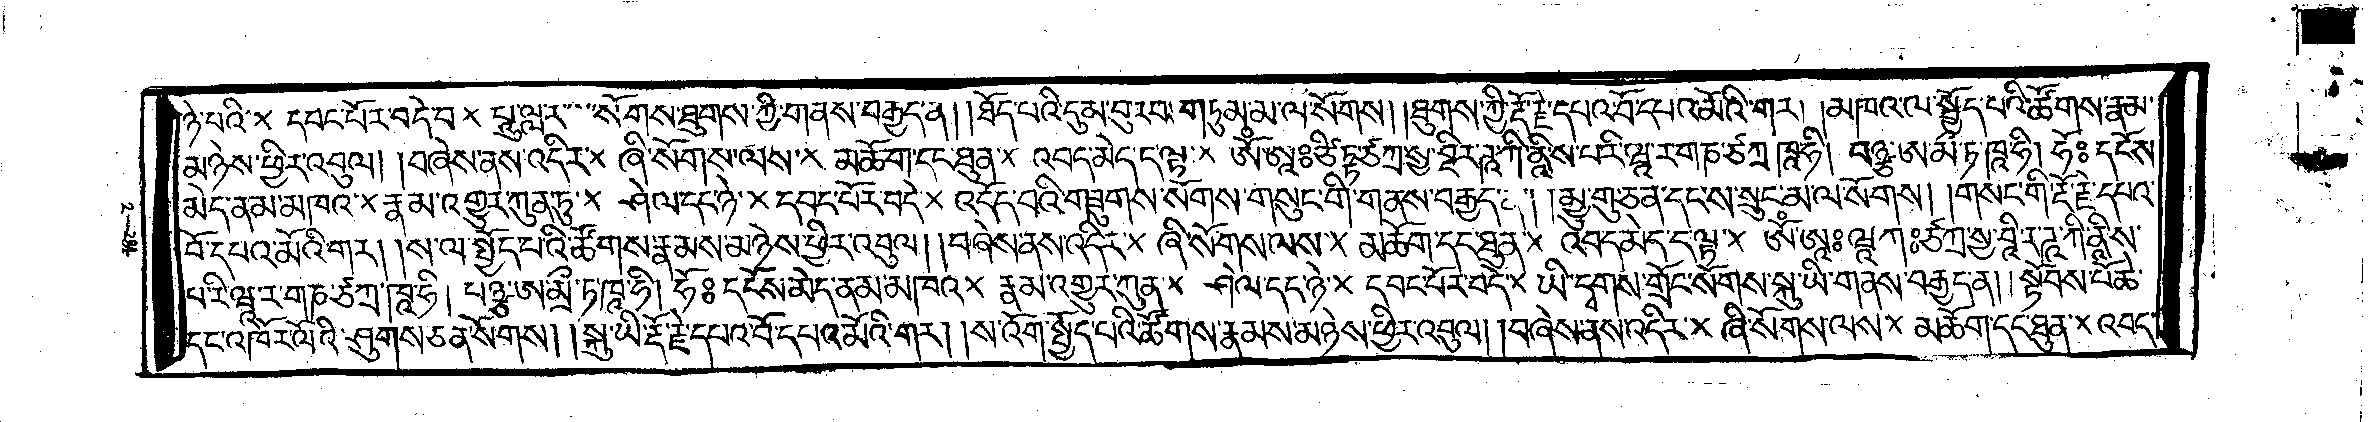ཉེ་པའི྾་དབང་པོར་བདེ་བ྾་པཱུ་ལླ་ར་སོགས་ཐུགས་ཀྱི་གནས་བརྒྱད་ན། །ཐོད་པའི་དུམ་བུ་རབ་གཏུམ་མ་ལ་སོགས། །ཐུགས་ཀྱི་རྡོ་རྗེ་དཔའ་བོ་དཔའ་མོའི་གར། །མཁའ་ལ་སྤྱོད་པའི་ཚོགས་རྣམ་
མཉེས་ཕྱིར་འབུལ། །བཞེས་ནས་འདིར྾་ཞི་སོགས་ལས྾་མཆོག་དང་ཐུན྾་འབད་མེད་ད་ལྟ྾་ཨོཾ་ཨཱཿ ཙིཏྟ་ཙཀྲ་སྱ་བདིར་ཌཱ་ཀི་ནཱི་ས་པ་རི་ཝཱ་ར་གཎ་ཙཀྲ་ཁཱ་ཧི། བྙྩ་ཨ་མྀ་ཏ་ཁཱ་ཧི། ཧོཿ དངོས་
མེད་ནམ་མཁའ྾་རྣམ་འགྱུར་ཀུན་ཏུ྾་ཤེལ་དང་ཉེ྾་དབང་པོར་བདེ྾་འདོད་པའི་གཟུགས་སོགས་གསུང་གི་གནས་བརྒྱད་ན། །མྱུ་གུ་ཅན་དངོས་སྲུང་མ་ལ་སོགས། །གསང་གི་རྡོ་རྗེ་དཔའ་
པོ་དཔའ་མོའི་གར། །ས་ལ་སྤྱོད་པའི་ཚོགས་རྣམས་མཉེས་ཕྱིར་འབུལ། །བཞེས་ནས་འདིར྾་ཞི་སོགས་ལས྾་མཆོག་དང་ཐུན྾་འབད་མེད་ད་ལྟ྾་ཨོཾ་ཨཱཿ ཝཱཀཿཙཀྲ་སྱ་བཱི་ར་ཌཱ་ཀི་ནཱི་ས་
པ་རི་ཝཱ་ར་གཎ་ཙཀྲ་ཁཱ་ཧི། པཉྩ་ཨ་མྲྀ་ཏ་ཁཱ་ཧི། ཧོཿ དངོས་མེད་ནམ་མཁའ྾་རྣམ་འགྱུར་ཀུན྾་ཤེལ་དང་ཉེ྾་དབང་པོར་བདེ྾་ཡི་དྭགས་གྲོང་སོགས་སྐུ་ཡི་གནས་བརྒྱད་ན། །སྟོབས་པོ་ཆེ་
དང་འཁོར་ལོའི་ཤུགས་ཅན་སོགས། །སྐུ་ཡི་རྡོ་རྗེ་དཔའ་བོ་དཔའ་མོའི་གར། །ས་འོག་སྤྱོད་པའི་ཚོགས་རྣམས་མཉེས་ཕྱིར་འབུལ། །བཞེས་ནས་འདིར྾་ཞེས་སོགས་ལས྾་མཆོག་དང་ཐུན྾་འབད་